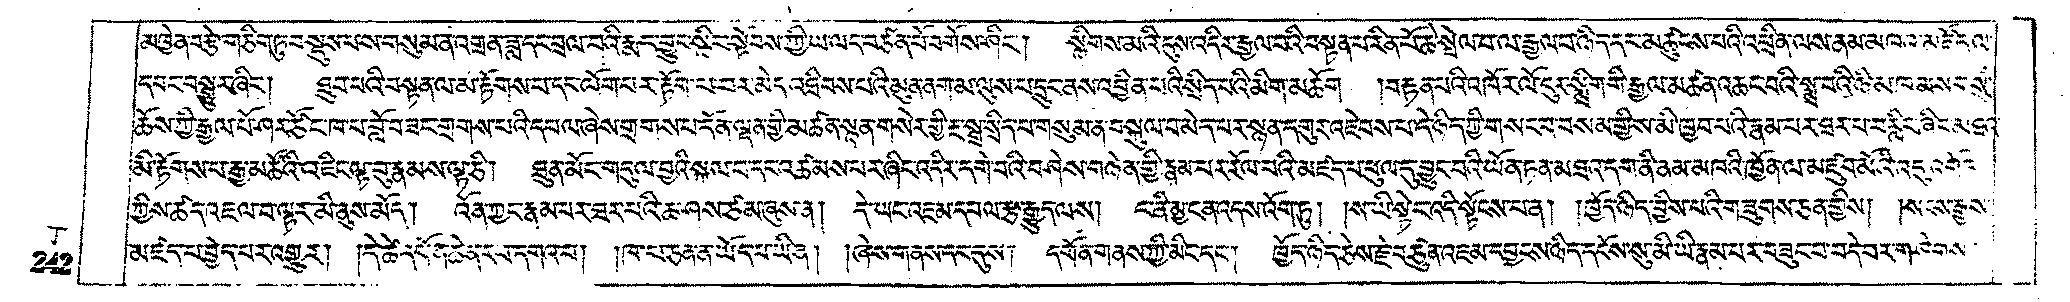མཁྱེན་བརྩེ་གཅིག་ཏུ་བསྡུས་པས་གསུམ་ན་འགྲན་ཟླ་དང་བྲལ་བའི་རྨད་བྱུང་སྙིང་སྟོབས་ཀྱི་ཡ་ལད་བཙན་པོ་བགོས་ཤིང་། སྙིགས་མའི་དུས་འདིར་རྒྱལ་བའི་བསྟན་པ་རིན་པོ་ཆེ་སྤེལ་བ་ལ་རྒྱལ་བ་ཉིད་དང་མཚུངས་པའི་འཕྲིན་ལས་ནམ་མཁའ་མཛོད་ལ་
དབང་བསྒྱུར་ཞིང་། ཐུབ་པའི་བསྟན་ལ་མ་རྟོགས་པ་དང་ལོག་པར་རྟོག་པ་བར་མེད་འཐིབས་པའི་མུན་ནག་མ་ལུས་པ་དྲུང་ནས་འབྱིན་པའི་སྲིད་པའི་མིག་མཆོག །བརྟན་པའི་འཁོར་ལོ་ངུར་སྨྲིག་གི་རྒྱལ་མཚན་འཆང་བའི་སྨྲ་བའི་ཉི་མཁམས་གསུཾ་
ཆོས་ཀྱི་རྒྱལ་པོ་ཤར་ཙོང་ཁ་པ་བློ་བཟང་གྲགས་པའི་དཔལ་ཞེས་གྲགས་པ་དོན་ལྡན་གྱི་མཚན་སྙན་གསེར་གྱི་རྔ་སྒྲ་སྲིད་པ་གསུམ་ན་བསྐུལ་བ་མེད་པར་སྙན་དགུར་འཇེབས་པ་དེ་ཉིད་ཀྱི་གསང་བ་བསམ་གྱིས་མི་ཁྱབ་པའི་རྣམ་པར་ཐར་པ་བརླིང་ཞིང་མཐའ་
མི་རྟོགས་པར་རྒྱ་མཚོའི་འཇིང་ལྟ་བུ་རྣམས་ལྟ་ཅི། ཐུན་མོང་གདུལ་བྱའི་སྐལ་བ་དང་འཚམས་པར་ཞིང་འདིར་དགེ་བའི་བཤེས་གཉེན་གྱི་རྣམ་པར་རོལ་བའི་མཛད་པ་ཕུལ་དུ་བྱུང་བའི་ཡོན་ཏན་མཐའ་དག་ནི་ནམ་མཁའི་ཁྱོན་ལ་མཛུབ་མོའི་འདུ་འགོད་
ཀྱིས་ཚད་འཇལ་བ་ལྟར་མི་ནུས་མོད། འོན་ཀྱང་རྣམ་པར་ཐར་པའི་ཆ་ཤས་ཙམ་ཞུས་ན། དེ་ཡང་འཇམ་དཔལ་རྩ་རྒྱུད་ལས། ང་ནི་མྱ་ངན་འདས་འོག་ཏུ། །ས་ཡི་སྟེང་འདི་སྟེང་པ་ན། །ཁྱོད་ཉིད་བྱིས་པའི་གཟུགས་ཅན་གྱིས། །སངས་རྒྱས་
མཛད་པ་བྱེད་པར་འགྱུར། །དེ་ཚེ་དགོན་ཆེན་རབ་དགའ་བ། །ཁ་བ་ཅན་ན་ཡོད་པ་ཡིན། །ཞེས་གནས་དང་དུས། དགོན་གནས་ཀྱི་མིང་དང་། ཁྱོད་ཉིད་ཅེས་རྗེ་བཙུན་འཇམ་དབྱངས་ཉིད་དངོས་སུ་མི་ཡི་རྣམ་པར་བཟུང་བ་བདེ་བར་གཤེགས་